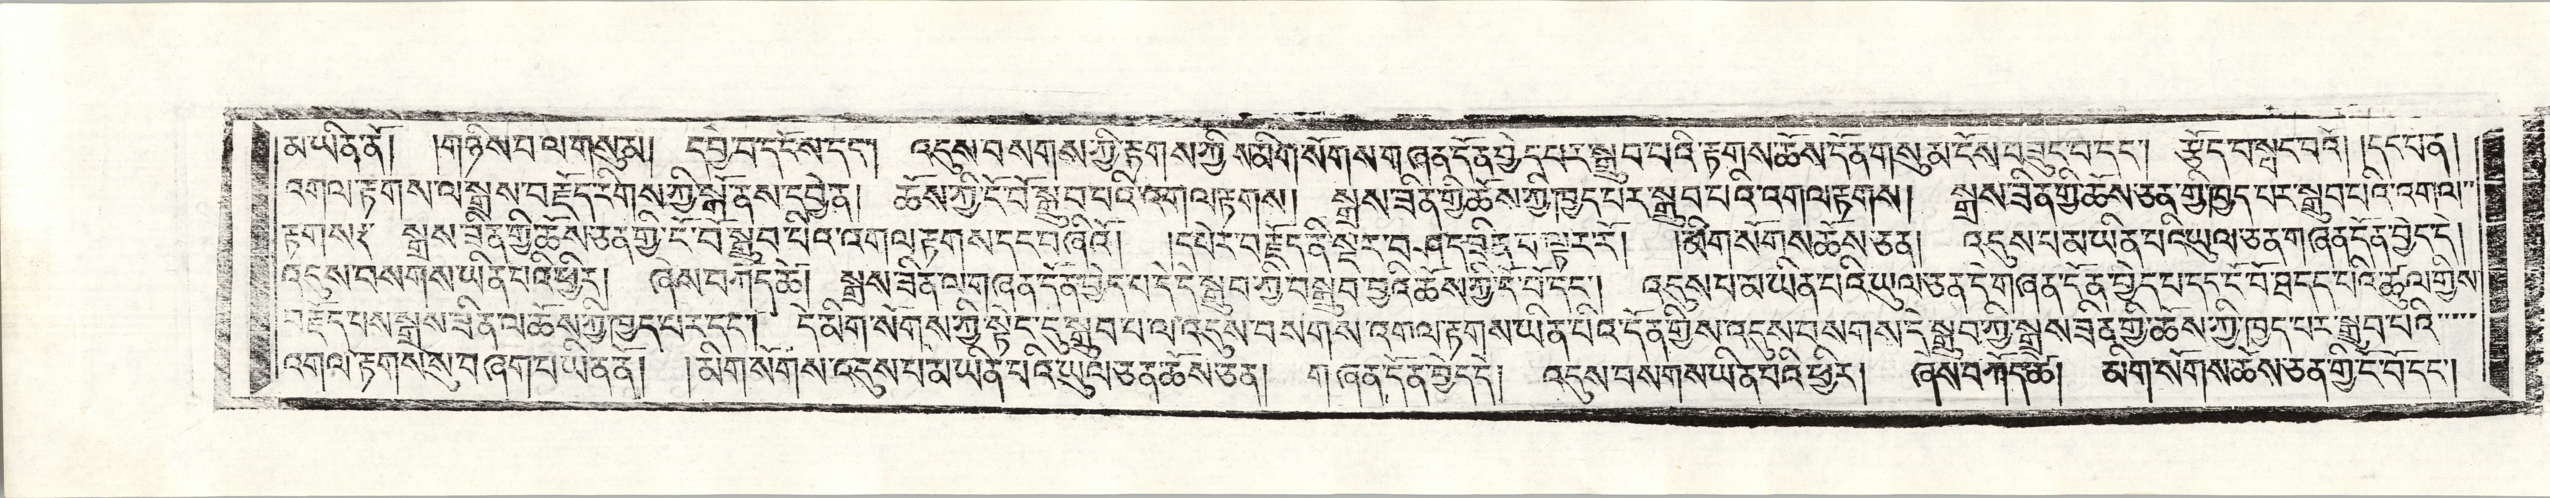མ་ཡིན་ནོ། །གཉིས་པ་ལ་གསུམ། དབྱེ་བ་དངོས་དང་། འདུས་བསགས་ཀྱི་རྟགས་ཀྱིས་མིག་སོགས་གཞན་དོན་བྱེད་པར་སྒྲུབ་པའི་རྟགས་ཆོས་དོན་གསུམ་ངོས་བཟུང་བ་དང་། རྩོད་པ་སྤོང་བའོ། །དང་པོ་ནི།
འགལ་རྟགས་ལ་སྒྲས་བརྗོད་རིགས་ཀྱི་སྒོ་ནས་དབྱེ་ན། ཆོས་ཀྱི་ངོ་བོ་སྒྲུབ་པའི་འགལ་རྟགས། སྒྲས་ཟིན་གྱི་ཆོས་ཀྱི་ཁྱད་པར་སྒྲུབ་པའི་འགལ་རྟགས། སྒྲས་ཟིན་གྱི་ཆོས་ཅན་གྱི་ཁྱད་པར་སྒྲུབ་པའི་འགལ་
རྟགས། སྒྲས་ཟིན་གྱི་ཆོས་ཅན་གྱི་ངོ་བོ་སྒྲུབ་པའི་འགལ་རྟགས་དང་བཞིའོ། །དཔེར་བརྗོད་ནི་སྔར་བཤད་ཟིན་པ་ལྟར་རོ། །མིག་སོགས་ཆོས་ཅན། འདུས་པ་མ་ཡིན་པའི་ཡུལ་ཅན་གཞན་དོན་བྱེད་དེ།
འདུས་བསགས་ཡིན་པའི་ཕྱིར། ཞེས་བཀོད་ཚེ། སྒྲས་ཟིན་ལ་གཞན་དོན་བྱེད་པ་དེ་དེ་སྒྲུབ་ཀྱི་བསྒྲུབ་བྱའི་ཆོས་ཀྱི་ངོ་བོ་དང་། འདུས་པ་མ་ཡིན་པའི་ཡུལ་ཅན་དེ་གཞན་དོན་བྱེད་པ་དང་ངོ་བོ་ཐ་དད་པའི་ཚུལ་གྱིས་
བརྗོད་པས་སྒྲས་ཟིན་ལ་ཆོས་ཀྱི་ཁྱད་པར་དང་། དེ་མིག་སོགས་ཀྱི་སྟེང་དུ་སྒྲུབ་པ་ལ་འདུས་བསགས་འགལ་རྟགས་ཡིན་པའི་དོན་གྱིས་འདུས་བསགས་དེ་སྒྲུབ་ཀྱི་སྒྲས་ཟིན་གྱི་ཆོས་ཀྱི་ཁྱད་པར་སྒྲུབ་པའི་
འགལ་རྟགས་སུ་བཞག་པ་ཡིན་ནོ། །མིག་སོགས་འདུས་པ་མ་ཡིན་པའི་ཡུལ་ཅན་ཆོས་ཅན། གཞན་དོན་བྱེད་དེ། འདུས་བསགས་ཡིན་པའི་ཕྱིར། ཞེས་བཀོད་ཚེ། མིག་སོགས་ཆོས་ཅན་གྱི་ངོ་བོ་དང་།